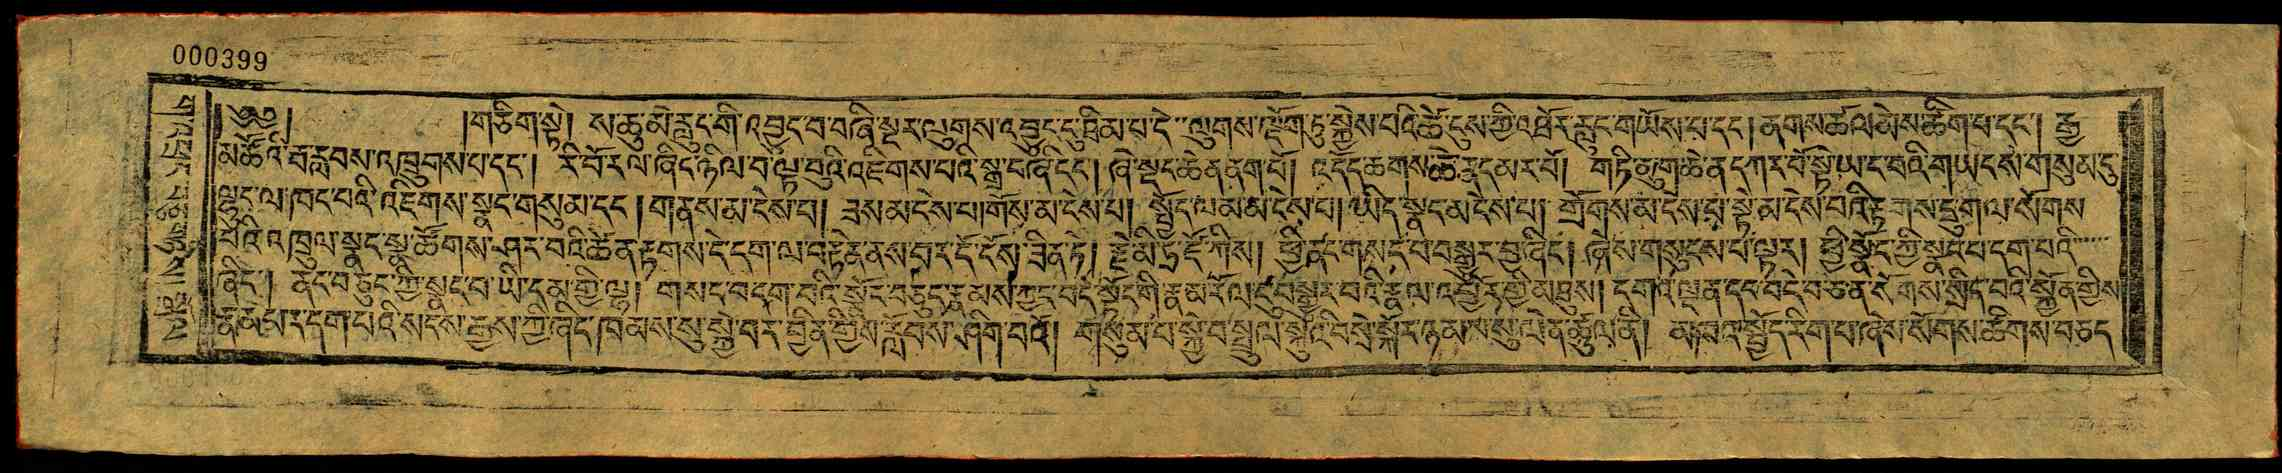༄༅། །གཅིག་སྟེ། ས་ཆུ་མེ་རླུང་གི་འབྱུང་བ་བཞི་སྔར་ལུགས་འབྱུང་དུ་ཐིམ་པ་དེ་ལུགས་ལྡོག་ཏུ་སྐྱེས་པའི་ཚེ་དུས་ཀྱི་འཐོར་རླུང་གཡོས་པ་དང་། ནགས་ཚལ་མེས་ཚིག་པ་དང་། རྒྱ་
མཚོའི་རྦ་རླབས་འཁྲུགས་པ་དང་། རི་བོ་རལ་ཞིང་ཉིལ་བ་ལྟ་བུའི་འཇིགས་པའི་སྒྲ་བཞི་དང་། ཞེ་སྡང་ཆེ་ན་ནག་པོ། འདོད་ཆགས་ཆེན་དམར་པོ། གཏི་མུག་ཆེ་ན་དཀར་པོ་སྟེ་ཡང་བའི་གཡང་ས་གསུམ་དུ་
ལྷུང་ལ་ཁང་པའི་འཇིགས་སྣང་གསུམ་དང་། གནས་མ་ངེས་པ། ཟས་མ་ངེས་པ་གོས་མ་ངེས་པ། སྤྱོད་ལམ་མ་ངེས་པ། ཡིད་སྣང་མ་ངེས་པ། གྲོགས་མ་ངེས་པ་སྟེ་མ་ངེས་པའི་རྟགས་དྲུག་ལ་སོགས་
པའི་འཁྲུལ་སྣང་སྣ་ཚོགས་ཤར་བའི་ཚེ་ན་རྟགས་དེ་དག་ལ་བརྟེན་ནས་བར་དོ་ངོས་ཟིན་ཏེ། རྗེ་མི་ཏྲ་ཛོ་ཀིས། ཕྱི་ནང་གསང་བ་བསྒྱུར་བྱ་ཞིང་། ཞེས་གསུངས་པ་ལྟར། ཕྱི་སྣོད་ཀྱི་སྣང་བ་དག་པའི་
ཞིང་། ནང་བཅུད་ཀྱི་སྣང་བ་ཡི་དམ་གྱི་ལྷ། གསང་བ་དག་པའི་སྣོད་བཅུད་རྣམས་ཀྱང་བདེ་སྟོང་གི་རྣམ་རོལ་དུ་བསྒྱུར་པའི་རྣལ་འབྱོར་གྱི་མཐུས། དགའ་ལྡན་དང་བདེ་བ་ཅན་སོགས་སྲིད་པའི་སྐྱོན་གྱིས་
རྣམ་པར་དག་པའི་སངས་རྒྱས་ཀྱི་ཞིང་ཁམས་སུ་སྐྱེ་བར་བྱིན་གྱིས་རླབས་ཤིག་པའོ། །གསུམ་པ་སྐྱེ་བ་སྤྲུལ་སྐུའི་བསྲེ་སྐོར་ཉམས་སུ་ལེན་ཚུལ་ནི། མཁའ་སྤྱོད་རིག་པ་ཞེས་སོགས་ཚིགས་བཅད་